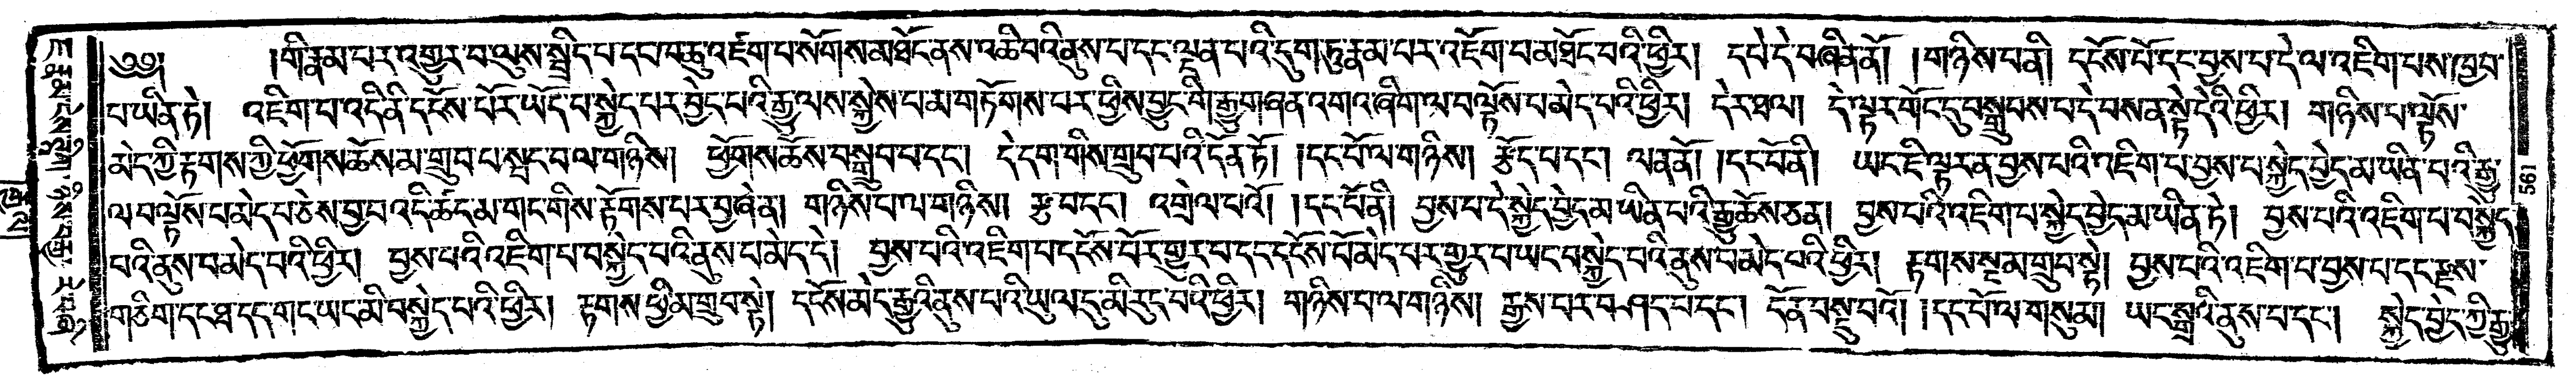༄༅། །གི་རྣམ་པར་འགྱུར་བ་ལུས་སྦྲིད་པ་དང་ཁ་ཆུ་འཛག་པ་སོགས་མཐོང་ནས་འཆི་བའི་ནུས་པ་དང་ལྡན་པའི་དུག་ཏུ་རྣམ་པར་འཇོག་པ་མཐོང་བའི་ཕྱིར། དཔེ་དེ་བཞིན་ནོ། །གཉིས་པ་ནི། དངོས་པོ་དང་བྱས་པ་དེ་ལ་འཇིག་པས་ཁྱབ་
པ་ཡིན་ཏེ། འཇིག་པ་འདི་ནི་དངོས་པོར་ཡོད་པ་སྐྱེད་པར་བྱེད་པའི་རྒྱུ་ལས་སྐྱེས་པ་མ་གཏོགས་པར་ཕྱིས་བྱུང་གི་རྒྱུ་གཞན་འགའ་ཞིག་ལ་བལྟོས་པ་མེད་པའི་ཕྱིར། དེར་ཐལ། དེ་ལྟར་གོང་དུ་བསྒྲུབས་པ་དེ་བས་ན་སྟེ་དེའི་ཕྱིར། གཉིས་པ་ལྟོས་
མེད་ཀྱི་རྟགས་ཀྱི་ཕྱོགས་ཆོས་མ་གྲུབ་པ་སྤང་བ་ལ་གཉིས། ཕྱོགས་ཆོས་བསྒྲུབ་པ་དང་། དེ་དག་གིས་གྲུབ་པའི་དོན་ཏོ། །དང་པོ་ལ་གཉིས། རྩོད་པ་དང་། ལན་ནོ། །དང་པོ་ནི། ཡང་ཇི་ལྟར་ན་བྱས་པའི་འཇིག་པ་བྱས་པ་སྐྱེད་བྱེད་མ་ཡིན་པའི་རྒྱུ་
ལ་བལྟོས་པ་མེད་པ་ཅེས་བྱ་བ་འདི་ཚད་མ་གང་གིས་རྟོགས་པར་བྱ་ཞེ་ན། གཉིས་པ་ལ་གཉིས། རྩ་བ་དང་། འགྲེལ་པའོ། །དང་པོ་ནི། བྱས་པ་དེ་སྐྱེད་བྱེད་མ་ཡིན་པའི་རྒྱུ་ཆོས་ཅན། བྱས་པའི་འཇིག་པ་སྐྱེད་བྱེད་མ་ཡིན་ཏེ། བྱས་པའི་འཇིག་པ་བསྐྱེད་
པའི་ནུས་པ་མེད་པའི་ཕྱིར། བྱས་པའི་འཇིག་པ་བསྐྱེད་པའི་ནུས་པ་མེད་དེ། བྱས་པའི་འཇིག་པ་དངོས་པོར་གྱུར་པ་དང་དངོས་པོ་མེད་པར་གྱུར་པ་ཡང་བསྐྱེད་པའི་ནུས་པ་མེད་པའི་ཕྱིར། རྟགས་སྔ་མ་གྲུབ་སྟེ། བྱས་པའི་འཇིག་པ་བྱས་པ་དང་རྫས་
གཅིག་དང་ཐ་དད་གང་ཡང་མི་བསྐྱེད་པའི་ཕྱིར། རྟགས་ཕྱི་མ་གྲུབ་སྟེ། དངོས་མེད་རྒྱུའི་ནུས་པའི་ཡུལ་དུ་མི་རུང་བའི་ཕྱིར། གཉིས་པ་ལ་གཉིས། རྒྱས་པར་བཤད་པ་དང་། དོན་བསྡུ་བའོ། །དང་པོ་ལ་གསུམ། ཡང་སྒྲའི་ནུས་པ་དང་། སྐྱེད་བྱེད་ཀྱི་རྒྱུ་